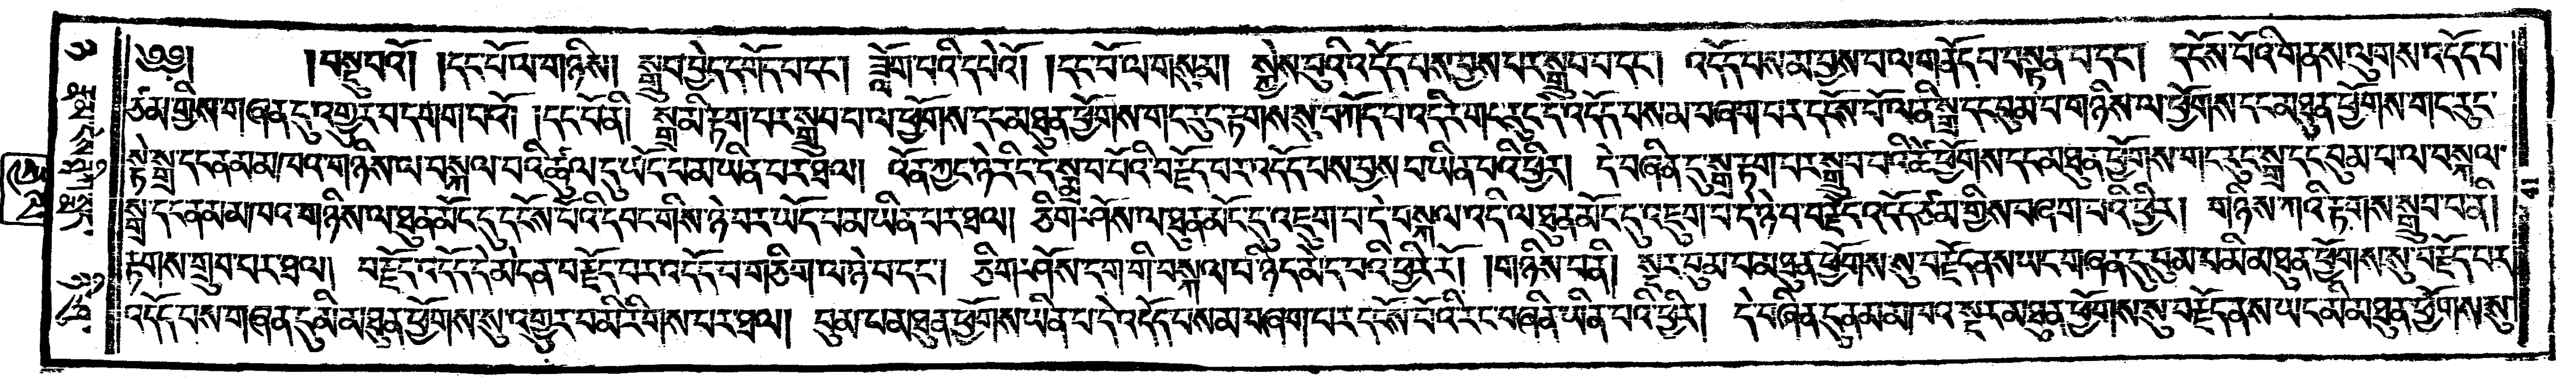༄༅། །བསྡུ་བའོ། །དང་པོ་ལ་གཉིས། སྒྲུབ་བྱེད་དགོད་པ་དང་། ཟློག་པའི་དཔེའོ། །དང་པོ་ལ་གསུམ། སྐྱེས་བུའི་འདོད་པས་བྱས་པར་སྒྲུབ་པ་དང་། འདོད་པས་མ་བྱས་པ་ལ་གནོད་པ་བསྟན་པ་དང་། དངོས་པོའི་གནས་ལུགས་འདོད་པ་
ཙམ་གྱིས་གཞན་དུ་འགྱུར་བ་དགག་བའོ། །དང་པོ་ནི། སྒྲ་མི་རྟག་པར་སྒྲུབ་པ་ལ་ཕྱོགས་དང་མཐུན་ཕྱོགས་གང་རུང་རྟགས་སུ་བཀོད་བ་འདིར་གང་རུང་དེ་འདོད་པས་མ་བཞག་པར་དངོས་པོ་ལ་ནི་སྒྲ་དང་བུམ་པ་གཉིས་ལ་ཕྱོགས་དང་མཐུན་ཕྱོགས་གང་རུང་
སྟེ་སྒྲ་དང་ནམ་མཁའ་གཉིས་ལ་བསྐལ་བའི་ཚུལ་དུ་ཡོད་པ་མ་ཡིན་པར་ཐལ། འོན་ཀྱང་ཉེ་རིང་དེ་སྨྲ་བ་པོའི་བརྗོད་པར་འདོད་པས་བྱས་པ་ཡིན་པའི་ཕྱིར། དེ་བཞིན་དུ་སྒྲ་རྟག་པར་བསྒྲུབ་པའི་ཚེ་ཕྱོགས་དང་མཐུན་ཕྱོགས་གང་རུངས་སྒྲ་དང་བུམ་པ་ལ་བསྐལ་
སྒྲ་དང་ནམ་མཁའ་གཉིས་ལ་ཐུན་མོང་དུ་དངོས་པོའི་དབང་གིས་ཉེ་བར་ཡོད་པ་མ་ཡིན་པར་ཐལ། ཅིག་ཤོས་ལ་ཐུན་མོང་དུ་འཇུག་པ་དེ་བསྐལ་འདི་ལ་ཐུན་མོང་དུ་འཇུག་པ་དེ་ཉེ་བ་བརྗོད་འདོད་ཙམ་གྱིས་བཞག་པའི་ཕྱིར། གཉིས་ཀའི་རྟགས་སྒྲུབ་པ་ནི།
རྟགས་གྲུབ་པར་ཐལ། བརྗོད་འདོད་དེ་མེད་ན་བརྗོད་བར་འདོད་པ་གཅིག་ལ་ཉེ་བ་དང་། ཅིག་ཤོས་དག་གི་བསྐལ་བ་ཉིད་མེད་པའི་ཕྱིར་རོ། །གཉིས་པ་ནི། སྔར་བུམ་པ་མཐུན་ཕྱོགས་སུ་བརྗོད་ནས་ཡང་གཞན་དུ་བུམ་པ་མི་མཐུན་ཕྱོགས་སུ་བརྗོད་པར་
འདོད་པས་གཞན་དུ་མི་མཐུན་ཕྱོགས་སུ་འགྱུར་བ་མི་རིགས་པར་ཐལ། བུམ་པ་མཐུན་ཕྱོགས་ཡིན་པ་དེ་འདོད་པས་མ་བཞག་པར་དངོས་བོའི་རང་བཞིན་ཡིན་པའི་ཕྱིར། དེ་བཞིན་དུ་ནམ་མཁའ་སྔར་མཐུན་ཕྱོགས་སུ་བརྗོད་ནས་ཡང་མི་མཐུན་ཕྱོགས་སུ་